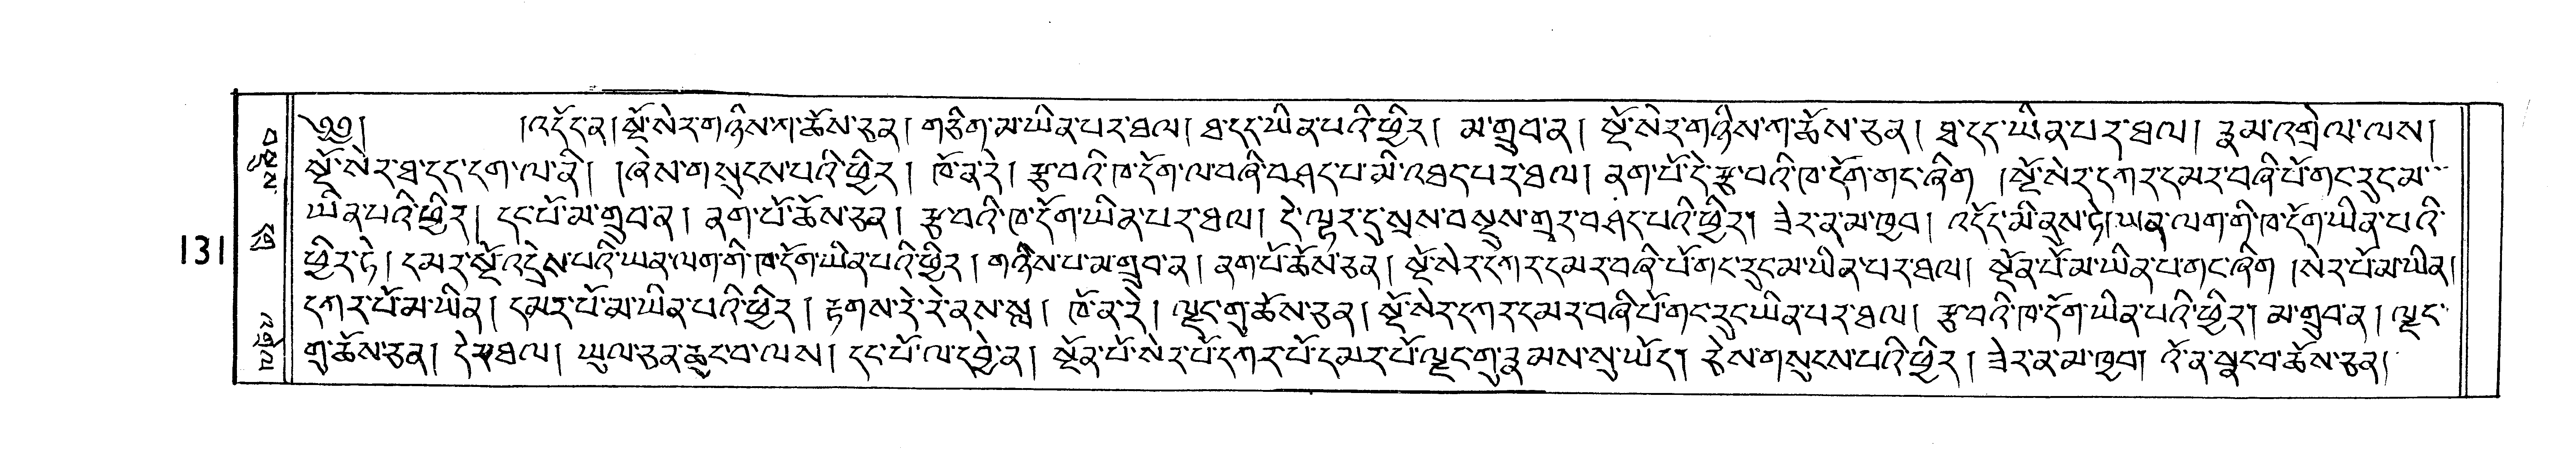༄༅། །འདོད་ན། སྔོ་སེར་གཉིས་ཀ་ཆོས་ཅན། གཅིག་མ་ཡིན་པར་ཐལ། ཐ་དད་ཡིན་པའི་ཕྱིར། མ་གྲུབ་ན། སྔོ་སེར་གཉིས་ཀ་ཆོས་ཅན། ཐ་དད་ཡིན་པར་ཐལ། །རྣམ་འགྲེལ་ལས། །
སྔོ་སེར་ཐ་དད་དག་ལ་ནི། །ཞེས་གསུངས་པའི་ཕྱིར། ཁོ་ན་རེ། རྩ་བའི་ཁ་དོག་ལ་བཞི་བཤད་པ་མི་འཐད་པར་ཐལ། ནག་པོ་དེ་རྩ་བའི་ཁ་དོག་གང་ཞིག །སྔོ་སེར་དཀར་དམར་བཞི་པོ་གང་རུང་མ་
ཡིན་པའི་ཕྱིར། དང་པོ་མ་གྲུབ་ན། ནག་པོ་ཆོས་ཅན། རྩ་བའི་ཁ་དོག་ཡིན་པར་ཐལ། །དེ་ལྟར་དུ་སྲས་བསྡུས་གྲྭར་བཤད་པའི་ཕྱིར། །ཟེར་ན་མ་ཁྱབ། འདོད་མི་ནུས་ཏེ། ཡན་ལག་གི་ཁ་དོག་ཡིན་པའི་
ཕྱིར་ཏེ། དམར་སྔོ་འདྲེས་པའི་ཡན་ལག་གི་ཁ་དོག་ཡིན་པའི་ཕྱིར། །གཉིས་པ་མ་གྲུབ་ན། ནག་པོ་ཆོས་ཅན། སྔོ་སེར་དཀར་དམར་བཞི་པོ་གང་རུང་མ་ཡིན་པར་ཐལ། །སྔོན་པོ་མ་ཡིན་པ་གང་ཞིག །སེར་པོ་མ་ཡིན།
དཀར་པོ་མ་ཡིན། །དམར་པོ་མ་ཡིན་པའི་ཕྱིར། རྟགས་རེ་རེ་ནས་སླ། །ཁོ་ན་རེ། ལྗང་གུ་ཆོས་ཅན། སྔོ་སེར་དཀར་དམར་བཞི་པོ་གང་རུང་ཡིན་པར་ཐལ། རྩ་བའི་ཁ་དོག་ཡིན་པའི་ཕྱིར། མ་གྲུབ་ན། ལྗང་
གུ་ཆོས་ཅན། དེར་ཐལ། ཡུལ་ཅན་ཆུང་བ་ལས། དང་པོ་ལ་དབྱེ་ན། སྔོན་པོ་སེར་པོ་དཀར་པོ་དམར་པོ་ལྗང་གུ་རྣམས་སུ་ཡོད། ཅེས་གསུངས་པའི་ཕྱིར། ཟེར་ན་མ་ཁྱབ། འོ་ན་སྣང་བ་ཆོས་ཅན།